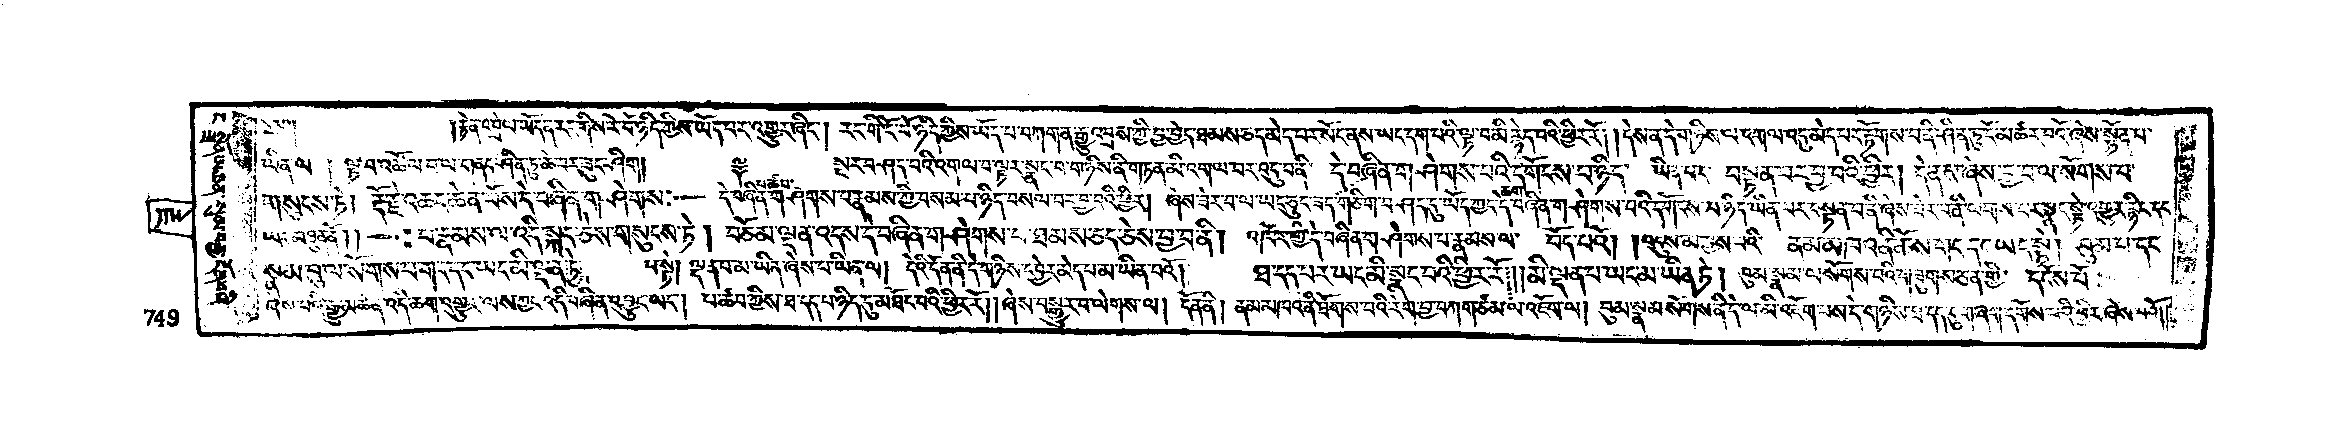༄༅། །རྟེན་འབྲེལ་ཡོད་ན་རང་གིས་ངོ་བོ་ཉིད་ཀྱིས་ཡོད་པར་འགྱུར་ཞིང་། རང་གི་ངོ་བོ་ཉིད་ཀྱིས་ཡོད་པ་བཀག་ན་རྒྱུ་འབྲས་ཀྱི་བྱ་བྱེད་ཐམས་ཅད་མེད་པར་སོང་ནས་ཡང་དག་པའི་ལྟ་བ་མི་རྙེད་པའི་ཕྱིར་རོ། །དེས་ན་དེ་གཉིས་ལ་འགལ་འདུ་མེད་པར་རྟོགས་པ་ནི་ཤིན་ཏུ་ངོ་མཚར་བའོ་ཞེས་སྟོན་པ་
ཡིན་ལ། ལྟ་བ་འཚོལ་བ་ལ་གནད་ཤིན་ཏུ་ཆེ་བར་ཟུང་ཤིག། ༈ སྔར་བཤད་པའི་འགལ་བ་ལྟར་སྣང་བ་གཉིས་ནི་གཏན་མི་འགལ་བར་འདུ་བ་ནི་དེ་བཞིན་གཤེགས་པའི་དགོངས་པ་ཉིད་ཡིན་བསྟན་པར་བྱ་བའི་ཕྱིར། དེ་ནས་ཞེས་བྱ་བ་ལ་སོགས་པ་
གསུངས་ཏེ། རྡོ་རྗེ་འཆང་ཆེན་པོས་དེ་བཞིན་གཤེགས་H.་དེ་བཞིན་པ་ཚབ་གཤེགས་པ་རྣམས་ཀྱི་བསམ་པ་ཉིད་བསལ་བར་བྱ་བའི་ཕྱིར། ཞེས་ཟེར་བ་ལ་ཡང་ཅུང་ཟད་གཅིག་བཤད་དུ་ཡོད་ཀྱང་དེ་ཆག་བཞིན་གཤེགས་པའི་དགོངས་པ་ཉིད་ཡིན་པར་བསྟན་པ་ནི་ཞེས་ཟེར་བ་ནི་ལེགས་པར་སྣང་སྟེ་འགྱུར་རྙིང་དང་
ཡང་མཐུན་ནོ། ། .H པ་རྣམས་ལ་འདི་སྐད་ཅེས་གསུངས་ཏེ། བཅོམ་ལྡན་འདས་དེ་བཞིན་གཤེགས་པ་ཐམས་ཅད་ཅེས་བྱ་བ་ནི། འཁོར་གྱི་དེ་བཞིན་གཤེགས་པ་རྣམས་ལ་བོད་པའོ། །འདུས་མ་བྱས་པའི་ནམ་མཁའ་ནི་ཆོས་གང་དང་ཡང་སྟེ། བུམ་པ་དང་
སྣམ་བུ་ལ་སོགས་པ་གང་དང་ཡང་མི་ལྡན་ཏེ་པ་སྟེ་ལྡན་པ་མ་ཡིན་ཞེས་པ་ཡིན་ལ། དེའི་དོན་ནི་དེ་གཉིས་དབྱེར་མེད་པ་མ་ཡིན་པའོ། ཐ་དད་པར་ཡང་མི་སྣང་བའི་ཕྱིར་རོ། །མི་ལྡན་པ་ཡང་མ་ཡིན་ཏེ། བུམ་པ་སྣམ་ལ་སོགས་པའི་གཟུགས་ཅན་གྱི་དངོས་པོ་H.
ཞེས་པའི་རྒྱུ་མཚན་འདི་ཆག་འགྱུར་ལས་ཀྱང་འདི་བཞིན་འབྱུང་ཡང་། པ་ཚབ་ཀྱིས་ཐ་དད་པ་ཉིད་དུ་མཐོང་བའི་ཕྱིར་རོ། །ཞེས་བསྒྱུར་བ་ལེགས་ལ། དོན་ནི། ནམ་མཁའི་ནི་ཐོགས་པའི་རེག་བྱ་བཀག་ཙམ་ལ་འཇོག་ལ། བུམ་སྣམ་སོགས་ནི་དེ་ལ་མི་འཇོག་པས་དེ་གཉིས་ཐ་དད་དུ་གཞག་དགོས་པའི་ཕྱིར་ཞེས་པའོ།།